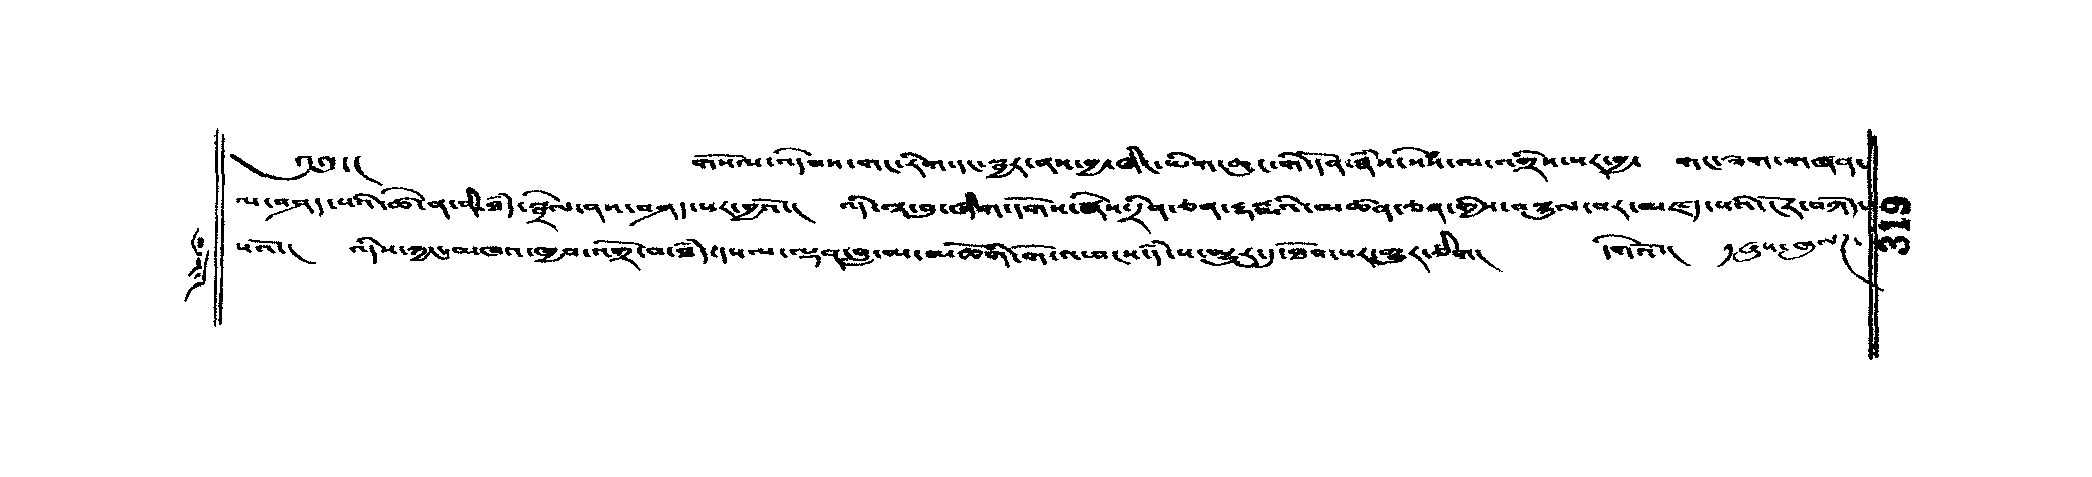གསོལ་འདེབས་གང་རིགས་དང་སྦྱར་ནས་བྱ་ཞིང་ཡིག་ཆུང་གི་དོན་རྣམས་སེམས་ལ་འགྲིས་པར་བྱ། གང་ཟག་གཞན་
ལ་བཤད་པའི་ཚེ་ན་ནི་ཐམས་ཅད་སྦྲེལ་ནས་བཤད་པར་བྱའོ། འདི་ལྟ་བུ་ཞིག་དགོས་ཞེས་དྲིན་ཆེན་དྷརྨའི་མཚན་ཅན་གྱིས་བསྐུལ་བར་མཛད་པའི་ངོར་བཀོད་
པའོ།། འདིས་ཀྱང་མཁའ་ཁྱབ་འགྲོ་བ་ཐམས་ཅད་དཔལ་ལྡན་བླ་མ་མཆོག་གི་གོ་འཕང་དམ་པ་མྱུར་དུ་ཐོབ་པར་གྱུར་ཅིག དགེའོ།།